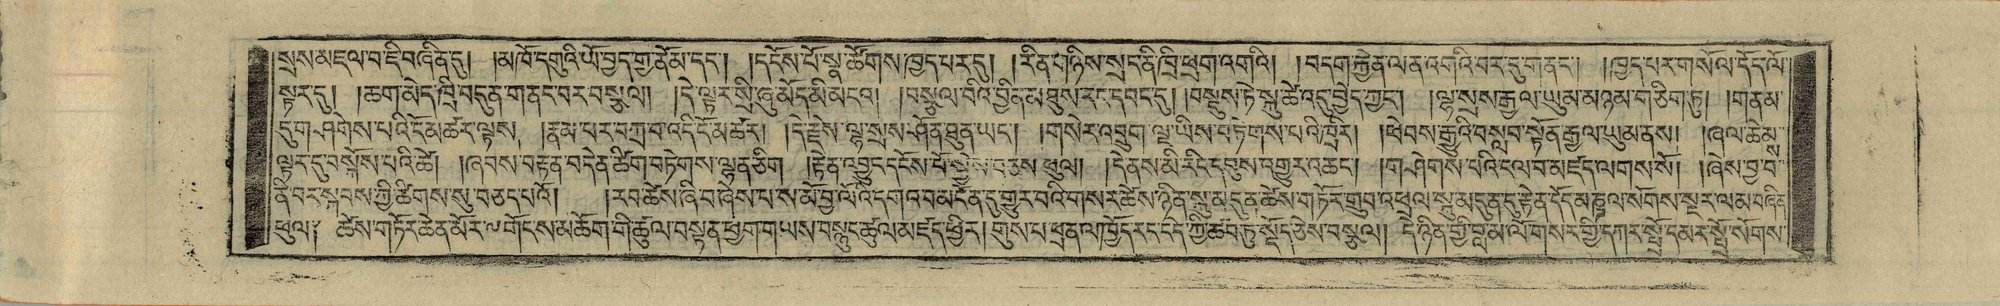སྲས་མཇལ་བ་ཇི་བཞིན་དུ། །མཁོ་དགུའི་ཡོ་བྱད་གྱ་ནོམ་དང་། །དངོས་པོ་སྣ་ཚོགས་ཁྱད་པར་དུ། །རིན་གཉིས་སྲང་ནི་ཁྲི་ཕྲག་འགའི། །བདག་རྐྱེན་ལན་འགའི་བར་དུ་གནང་། །ཁྱད་པར་གསོལ་དོད་ལོ་
སྟར་དུ། །ཆག་མེད་ཁྲི་བདུན་གནང་བར་བསྩལ། །དེ་ལྟར་སྲི་ཞུ་མོད་མི་མངའ། །བསྩལ་བའི་བྱིན་མཐུས་རང་དབང་དུ། །བསྡུས་ཏེ་སྐུ་ཚེ་འདུ་བྱེད་ཀྱང་། །ལྷ་སྲས་རྒྱལ་ཡུམ་མཉམ་གཅིག་ཏུ། །གནམ་
དུ་གཤེགས་པའི་ངོ་མཚར་ལྟས། །རྣམ་པར་བཀྲ་བ་འདི་ངོ་མཚར། །དེ་རྗེས་ལྷ་སྲས་ཤོན་ཐུན་ཡང་། །གསེར་འབྲུག་ལྔ་ཡིས་བཏེགས་པའི་ཁྲིར། །ཕེབས་རྒྱུའི་བསླབ་སྟོན་རྒྱལ་ཡུམ་ནས། །ཞལ་ཆེམས་
ལྟར་དུ་བསྐོས་པའི་ཚེ། །ཞབས་བརྟན་བདེན་ཚིག་བཏེགས་ལྷན་ཅིག །རྟེན་འབྱུང་དངོས་པོ་སྐྱེས་བཅས་ཕུལ། །དེ་ནས་མི་རིང་དབུས་འགྱུར་འཆང་། །གཤེགས་པའི་ངལ་བ་མཛད་ལགས་སོ། །ཞེས་བྱ་བ་
ནི་བར་སྐབས་ཀྱི་ཚིགས་སུ་བཅད་པའོ། །རབ་ཚེས་ཞི་བ་ཞེས་པ་ས་མོ་བྱ་ལོའི་དགའ་བ་མངོན་དུ་གྱུར་བའི་གསར་ཚེས་ཉིན་སྐུ་མདུན་ཚེས་གཏོར་གྲུབ་འཕྲལ་སྐུ་མདུན་དུ་རྟེན་དོད་མཎྜལ་སོགས་སྔར་ལམ་བཞིན་
ཕུལ༑ ཚེས་གཏོར་ཆེན་མོར་༧གོང་ས་མཆོག་གི་ཚུལ་བསྟན་ཕྱག་གཡས་བསྙུང་ཚུལ་མཛད་ཕྱིར། གུས་པ་ཕྲན་ལ་ཁྱོད་རང་ངེད་ཀྱི་ཚབ་ཏུ་སྡོད་ཅེས་བསྩལ། དེ་ཉིན་གྱི་བླ་མ་ལོ་གསར་གྱི་དཀར་སྤྲོ་དམར་སྤྲོ་སོགས་